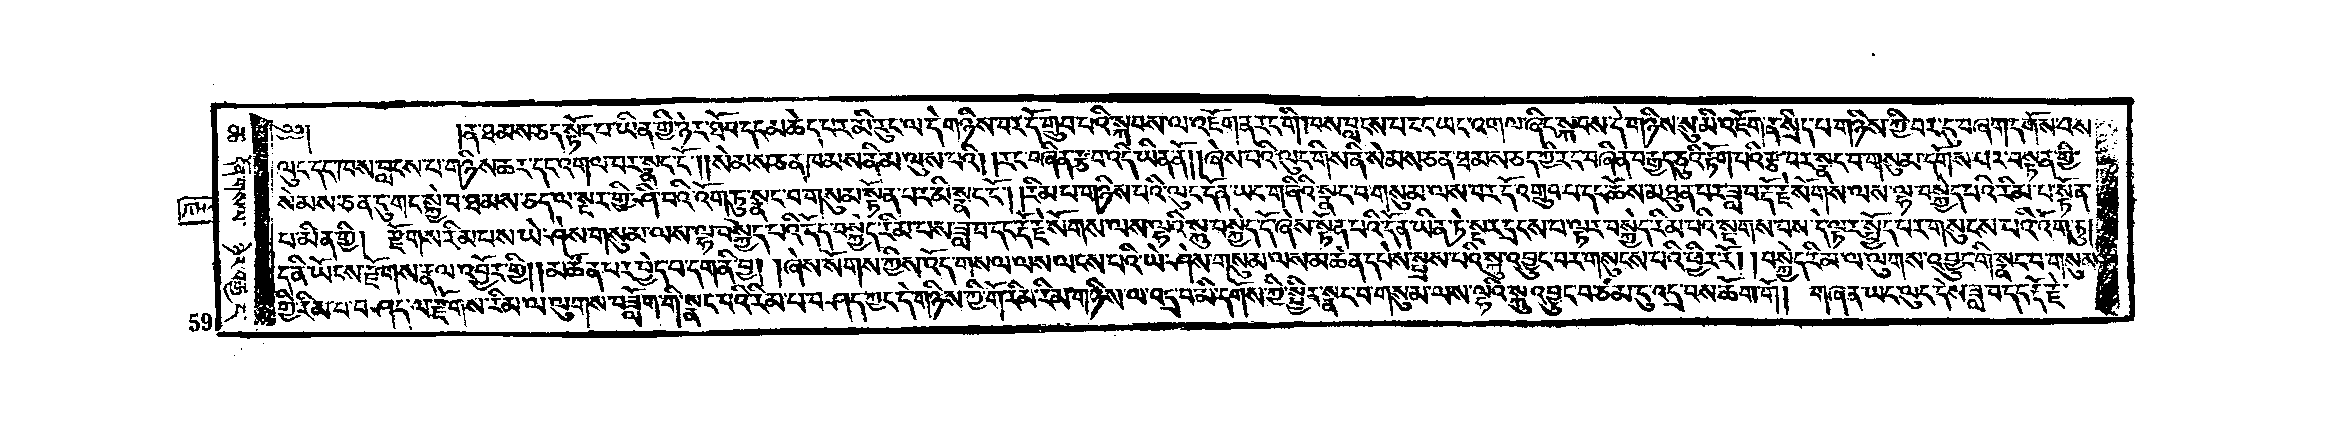༄༅། །ན་ཐམས་ཅད་སྟོང་པ་ཡིན་གྱི་ཉེར་ཐོབ་དང་མཆེད་པར་མི་རུང་ལ་དེ་གཉིས་བར་དོ་གྲུབ་པའི་སྐབས་ལ་འཇོག་ན་རང་གི་ཁས་བླངས་པ་དང་ཡང་འགལ་ཞིང་སྐབས་དེ་གཉིས་སུ་མི་འཇོག་ན་སྲིད་པ་གཉིས་ཀྱི་བར་དུ་བཞག་དགོས་པས་
ལུང་དང་ཁས་བླངས་པ་གཉིས་ཆར་དང་འགལ་བར་སྣང་ངོ། །སེམས་ཅན་ཁམས་ནི་མ་ལུས་པའི། །རང་བཞིན་རྩ་བ་འདི་ཡིན་ནོ། །ཞེས་པའི་ལུང་གིས་ནི་སེམས་ཅན་ཐམས་ཅད་ཀྱི་རང་བཞིན་བརྒྱད་ཅུའི་རྟོག་པའི་རྩ་བར་སྣང་བ་གསུམ་དགོས་པར་བསྟན་གྱི་
སེམས་ཅན་དུ་གང་སྐྱེ་བ་ཐམས་ཅད་ལ་སྔར་གྱི་ཤི་བའི་འོག་ཏུ་སྣང་བ་གསུམ་སྟོན་པར་མི་སྣང་ངོ། །རིམ་པ་གཉིས་པའི་ལུང་དོན་ཡང་གཞིའི་སྣང་བ་གསུམ་ལས་བར་དོ་འགྲུབ་པ་དང་ཆོས་མཐུན་པར་ཟླ་བ་རྡོ་རྗེ་སོགས་ལས་ལྷ་བསྐྱེད་པའི་རིམ་པ་སྟོན་
པ་མིན་གྱི། རྫོགས་རིམ་པས་ཡེ་ཤེས་གསུམ་ལས་ལྷ་བསྐྱེད་པའི་དོད་བསྐྱེད་རིམ་པས་ཟླ་བ་དང་རྡོ་རྗེ་སོགས་ལས་ལྷའི་སྐུ་བསྐྱེད་དོ་ཞེས་སྟོན་པའི་དོན་ཡིན་ཏེ་སྔར་དྲངས་པ་ལྟར་བསྐྱེད་རིམ་པའི་སྔགས་པས་དེ་ལྟར་སྤྱོད་པར་གསུངས་པའི་འོག་ཏུ།
ད་ནི་ཡོངས་རྫོགས་རྣལ་འབྱོར་གྱི། །མཚན་པར་བྱེད་པ་དག་ནི་བྱ། །ཞེས་སོགས་ཀྱིས་འོད་གསལ་ལས་ལངས་པའི་ཡེ་ཤེས་གསུམ་ལས་མཚན་དཔེས་སྤྲས་པའི་སྐུ་འབྱུང་བར་གསུངས་པའི་ཕྱིར་རོ། །བསྐྱེད་རིམ་ལ་ལུགས་འབྱུང་གི་སྣང་བ་གསུམ་
གྱི་རིམ་པ་བཤད་ལ་རྫོགས་རིམ་ལ་ལུགས་བཟློག་གི་སྣང་བའི་རིམ་པ་བཤད་ཀྱང་དེ་གཉིས་ཀྱི་གོ་རིམ་རིམ་གཉིས་ལ་འདྲ་བ་མི་དགོས་ཀྱི་སྤྱིར་སྣང་བ་གསུམ་ལས་ལྷའི་སྐུ་འབྱུང་བ་ཙམ་དུ་འདྲ་བས་ཆོག་གོ །གཞན་ཡང་ལུང་དེས་ཟླ་བ་དང་རྡོ་རྗེ་